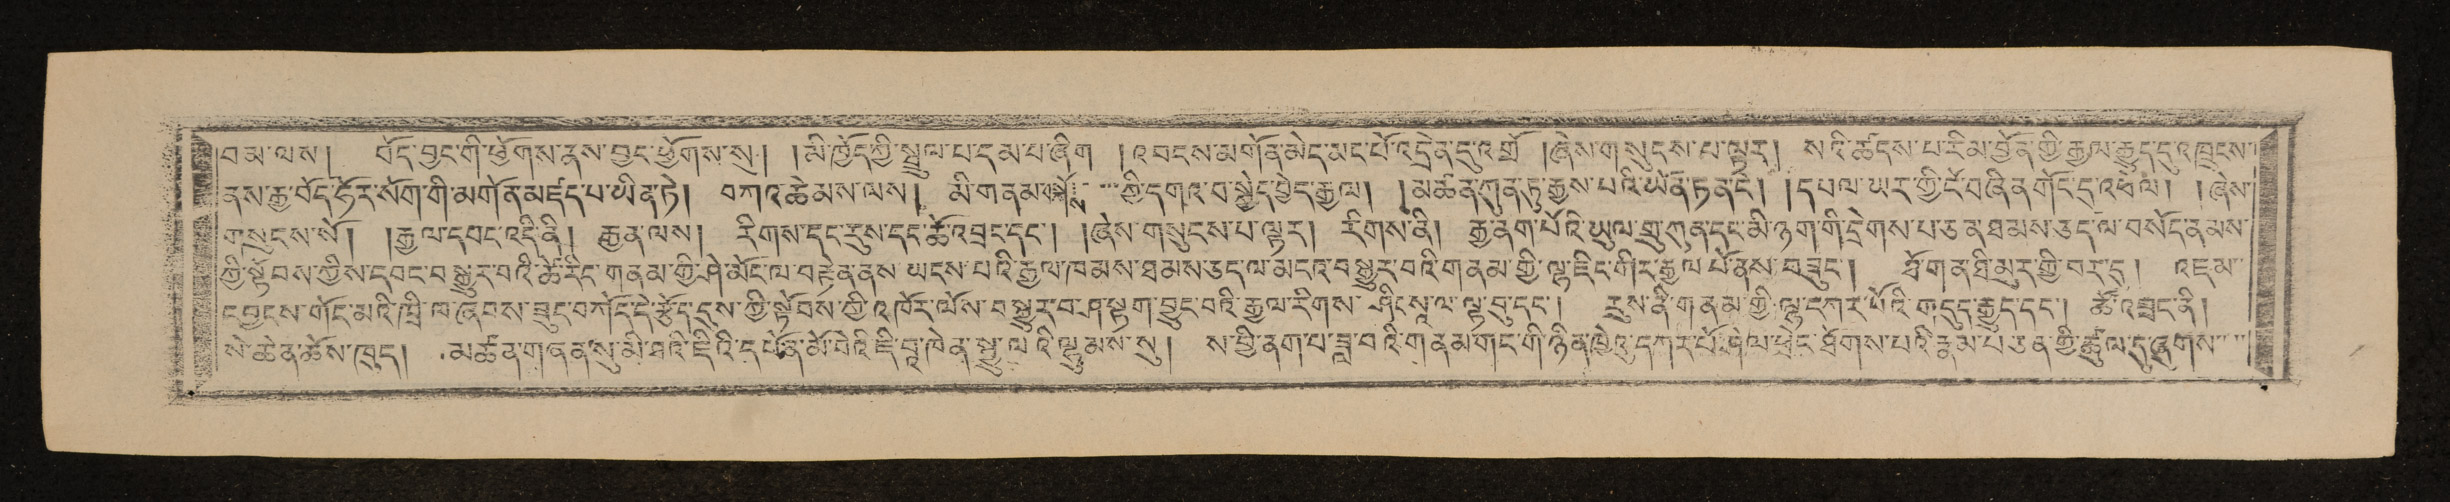བམ་ལས། བོད་བྱང་གི་ཕྱོགས་ནས་བྱང་ཕྱོགས་སུ། །མི་ཁྱོད་ཀྱི་སྤྲུལ་པ་དམ་པ་ཞིག །འབངས་མགོན་མེད་མང་པོ་འདྲེན་དུ་འགྲོ་།ཞེས་གསུངས་པ་ལྟར། སའི་ཚངས་པ་རིམ་བྱོན་གྱི་རྒྱལ་རྒྱུད་དུ་འཁྲུངས་
ནས་རྒྱ་བོད་ཧོར་སོག་གི་མགོན་མཛད་པ་ཡིན་ཏེ། བཀའ་ཆེམས་ལས། མི་གནམ་བསྐོས་ཀྱི་དགའ་བ་སྐྱེད་བྱེད་རྒྱལ། །མཚན་ཀུན་ཏུ་རྒྱས་པའི་ཡོན་ཏན་དེ། །དཔལ་ཡར་གྱི་པོ་བཞིན་གོང་དུ་འཕེལ། །ཞེས་
གསུངས་སོ། །རྒྱལ་དབང་འདི་ནི། རྒྱན་ལས། རིགས་དང་རུས་དང་ཆོ་འབྲང་དང་། །ཞེས་གསུངས་པ་ལྟར། རིགས་ནི། རྒྱ་ནག་པོའི་ཡུལ་གྲུ་ཀུན་དང་མི་ཉག་གི་དྲེགས་པ་ཅན་ཐམས་ཅད་ལ་བསོད་ནམས་
ཀྱི་སྟོབས་ཀྱིས་དབང་བསྒྱུར་བའི་ཚེ་རིང་གནམ་གྱི་ཤེ་མོང་ལ་བརྟེན་ནས་ཡངས་པའི་རྒྱལ་ཁམས་ཐམས་ཅད་ལ་མངའ་བསྒྱུར་བའི་གནམ་གྱི་ལྷ་ཇིང་གིར་རྒྱལ་པོ་ནས་བཟུང་། ཐོ་གན་ཐི་མུར་གྱི་བར་དུ། འཇམ་
དབྱངས་གོང་མའི་ཁྲི་ལ་ཞབས་ཟུང་བཀོད་དེ་རྩོད་དུས་ཀྱི་སྟོབས་ཀྱི་འཁོར་ལོས་བསྒྱུར་བ་ཤ་སྟག་བྱུང་བའི་རྒྱལ་རིགས་ཤིང་སཱ་ལ་ལྟ་བུ་དང་། རུས་ནི་གནམ་གྱི་ལྷ་དཀར་པོའི་གདུང་རྒྱུད་དང་། ཆོ་འབྲང་ནི།
སེ་ཆེན་ཆོས་ཁུད། མཚན་གཞན་སུ་མི་ཐའི་ཇིའི་དཔོན་མོ་བེའི་ཇི་བཱ་ཁེན་སྤྱུ་ལའི་ལྷུམས་སུ། ས་བྱི་ནག་པ་ཟླ་བའི་གནམ་གང་གི་ཉིན་ཁྱེའུ་དཀར་པོ་ཤེལ་ཕྲེང་ཐོགས་པའི་རྣམ་པ་ཅན་གྱི་ཚུལ་དུ་ཞུགས་